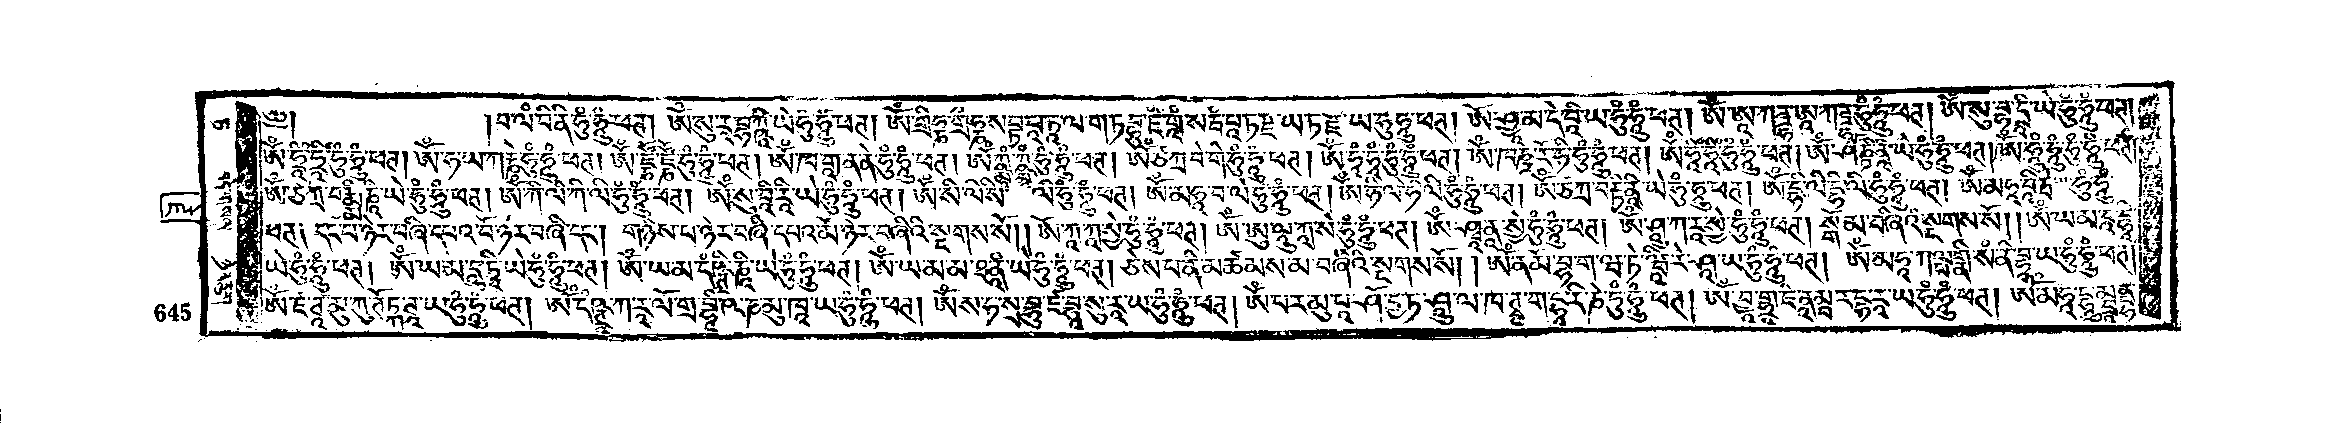༄༅། །བ་ལ་བི་ནི་ཧུཾ་ཧཱུཾ་ཕཊ། ཨོཾ་སུ་རཱ་བྷཀྵཱི་ཡེ་ཧུཾ་ཧཱུཾ་ཕཊ། ཨོཾ་གྲྀཧྞ་གྲྀཧྞ་སབཏ་པཱ་ཏཱ་ལ་ག་ཏ་བྷུ་ཛཾ་གླཾ་སརྦཾ་པཱ་ཏརྫ་ཡ་ཏརྫ་ཡ་ཧུཾ་ཧཱུཾ་ཕཊ། ཨོཾ་ཤྱཱ་མ་དེ་བཱི་ཡ་ཧུཾ་ཧཱུཾ་ཕཊ། ཨོཾ་ཨཱ་ཀཌྜྷ་ཨཱ་ཀཌྜྷ་ཧུཾ་ཧཱུཾ་ཕཊ། ཨོཾ་སུ་བྷ་དྲཱི་ཡེ་ཧུཾ་ཧཱུཾ་ཕཊ།
ཨོཾ་ཧྲཱིཾ་ཧྲཱིཾ་ཧུཾ་ཧཱུཾ་ཕཊ། ཨོཾ་ཧ་ཡ་ཀརྞེ་ཧུཾ་ཧཱུཾ་ཕཊ། ཨོཾ་ཛྞཽ་ཛྞཽ་ཧུཾ་ཧཱུཾ་ཕཊ། ཨོཾ་ཁ་གཱ་ན་ནེ་ཧུཾ་ཧཱུཾ་ཕཊ། ཨོཾ་ཀྵྨཱཾ་ཀྵྨཱཾ་ཧུཾ་ཧཱུཾ་ཕཊ། ཨོཾ་ཙཀྲ་བེ་གེ་ཧུཾ་ཧཱུཾ་ཕཊ། ཨོཾ་ཧཱུཾ་ཧཱུཾ་ཧུཾ་ཧཱུཾ་ཕཊ། ཨོཾ་ཁཎྜི་རོ་ཧི་ཧུཾ་ཧཱུཾ་ཕཊ། ཨོཾ་ཧཱིཾ་ཧཱིཾ་ཧུཾ་ཧཱུཾ་ཕཊ། ཨོཾ་ཤཽཎྜི་ནཱི་ཡེ་ཧུཾ་ཧཱུཾ་ཕཊ། ཨོཾ་ཧཱུཾ་ཧུཾ་ཧུཾ་ཧཱུཾ་ཕཊ།
ཨོཾ་ཙཀྲ་བརྨྨི་ཎཱི་ཡེ་ཧུཾ་ཧཱུཾ་ཕཊ། ཨོཾ་ཀི་ལི་ཀི་ལི་ཧུཾ་ཧཱུཾ་ཕཊ། ཨོཾ་སུ་བཱི་རཱི་ཡེ་ཧུཾ་ཧཱུཾ་ཕཊ། ཨོཾ་སི་ལི་སི་ལི་ཧུཾ་ཧཱུཾ་ཕཊ། ཨོཾ་མཧཱ་བ་ལེ་ཧུཾ་ཧཱུཾ་ཕཊ། ཨོཾ་ཧི་ལ་ཧི་ལི་ཧུཾ་ཧཱུཾ་ཕཊ། ཨོཾ་ཙཀྲ་བརྟི་ནཱི་ཨེ་ཧུཾ་ཧཱུཾ་ཕཊ། ཨོཾ་དྷི་ལི་དྷི་ལི་ཧུཾ་ཧཱུཾ་ཕཊ། ཨོཾ་མཧཱ་བཱིརྦ་ཧུཾ་ཧཱུཾ་
ཕཊ། དང་པོ་ཉེར་བཞི་དཔའ་བོ་ཉེར་བཞི་དང་། གཉིས་པ་ཉེར་བཞི་དཔའ་མོ་ཉེར་བཞིའི་སྔགས་སོ། །ཨོཾ་ཀཱ་ཀཱ་སྱེ་ཧུཾ་ཧཱུཾ་ཕཊ། ཨོཾ་ཨུ་ལཱུ་ཀླ་སེ་ཧུཾ་ཧཱུཾ་ཕཊ། ཨོཾ་ཤྭཱ་ནཱ་སྱེ་ཧུཾ་ཧཱུཾ་ཕཊ། ཨོཾ་ཤཱུ་ཀ་རཱ་སྱེ་ཧུཾ་ཧཱུཾ་ཕཊ། སྒོམ་བཞིའི་སྔགས་སོ། །ཨོཾ་ཡ་མ་དཱ་ཌྷཱི་
ཡེ་ཧུཾ་ཧཱུཾ་ཕཊ། ཨོཾ་ཡ་མ་དཱུ་ཏཱི་ཡི་ཧུཾ་ཧཱུཾ་ཕཊ། ཨོཾ་ཡ་མ་དཾཥྚཱི་ཎཱི་ཡེ་ཧུཾ་ཧཱུཾ་ཕཊ། ཨོཾ་ཡ་མ་མ་ཐ་ནཱི་ཡེ་ཧུཾ་ཧཱུཾ་ཕཊ། ཅེས་པ་ནི་མཚེམས་མ་བཞིའི་སྔགས་སོ། །ཨོཾ་ན་མོ་བྷ་ག་ཝ་ཏེ་ཝཱི་རེ་ཤཱ་ཡ་ཧུཾ་ཧཱུཾ་ཕཊ། ཨོཾ་མཧཱ་ཀལྤགནི་སཾ་ནི་བྷཱ་ཡ་ཧུཾ་ཧཱུཾ་ཕཊ།
ཨོཾ་ཛ་ཊཱ་མུ་ཀུ་ཊོཏྐ་ཊཱ་ཡ་ཧུཾ་ཧཱུཾ་ཕཊ། ཨོཾ་དཾཥྚྲཱ་ཀ་རཱ་ལོ་གྲ་བྷཱི་ཥ་ཎ་མུ་ཁཱ་ཡ་ཧུཾ་ཧཱུཾ་ཕཊ། ཨོཾ་ས་ཧ་སྲ་བྷུ་ཛ་བྷཱ་སུ་རཱ་ཡ་ཧུཾ་ཧཱུཾ་ཕཊ། ཨོཾ་པར་མུ་པཱ་ཤོ་དྱ་ཏ་ཤཱུ་ལ་ཁ་ཊྭཱ་ག་དྷཱ་རེ་ཎེ་ཧུཾ་ཧཱུཾ་ཕཊ། ཨོཾ་བྱཱ་གྷྲཱ་ཛ་ནཱམྦ་ར་དྷ་རཱ་ཡ་ཧུཾ་ཧཱུཾ་ཕཊ། ཨོཾ་མཧཱ་དྷཱུ་མྦྲཱ་ནྡྷ་